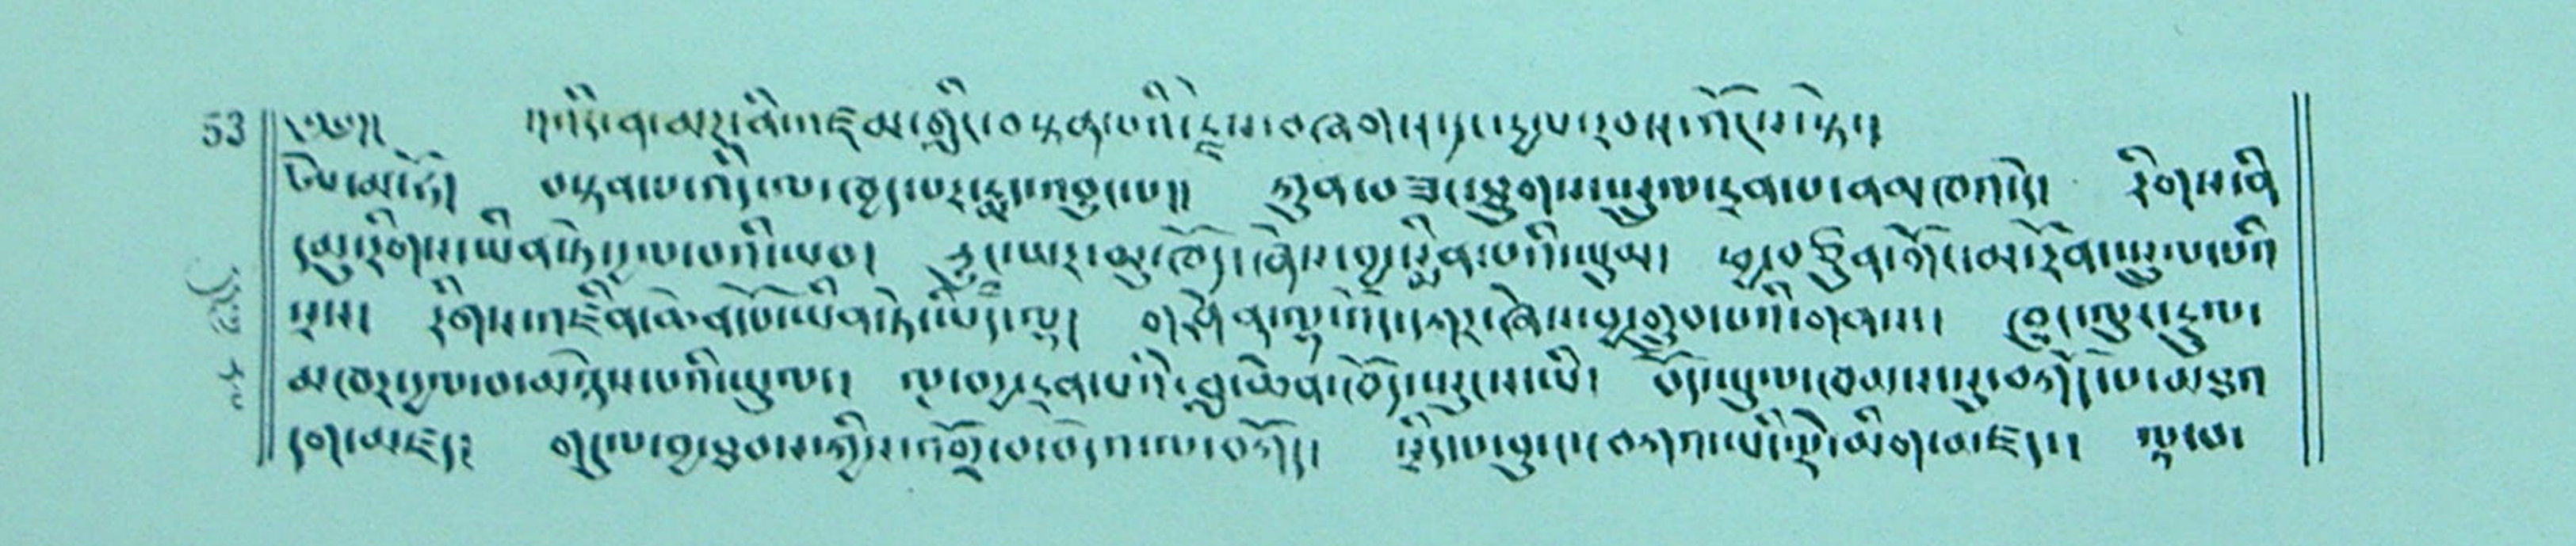༈ འདི་ནས་མར་ལ་འཛམ་གླིང་བསྟན་པའི་རྗེས་བཞག་དང་རྒྱལ་རབས་(ལོ་རྒྱུས་)འོང་སྟེ།
 ཨེ་མ་ཧོ། བསྟན་པ་འདི་ལ་ཁྱད་པར་རྨད་དུ་འབྱུང་བའི། ཀུན་བཟང་ཐུགས་སྤྲུལ་དྲན་པ་ནམ་མཁའ་སྟེ། རིགས་ནི་
དམུ་རིགས་ཡིན་ཏེ་རྒྱལ་བོའི་ཡབ། རྒྱུང་ཡར་མི་ཁོད་ཅེས་བྱ་སྨིན་པའི་ཡུམ། ཕྱྭ་བཙུན་གོང་མ་རོན་དེ་སྤྲུལ་པའི་
སྲས། རིགས་འཛིན་ཆེན་པོ་ཡིན་ཏེ་ཡི་དམ་ལྷ། གཤེན་ལྷ་འོད་དཀར་ཞེས་བྱ་གྲུབ་པའི་གནས། ཁྱུང་ལུང་དངུལ་
མཁར་རྒྱལ་བ་མཉེས་པའི་ཡུལ། ལྔ་བརྒྱ་དྲན་པའི་བླ་ཆེན་ཁོད་སྤུངས་ཀྱིས། བོད་ཡུལ་ཁམས་སུ་[དབུས་སུ]བཀོད་པ་མཐའ་
དག་མཛད། གདུལ་བྱ་ཐབས་ཀྱིས་འགྲོ་བ་བདེ་ལ་བཀོད། སྲིད་པ་བུ་བཞི་བཀའ་ཡི་ལྡེ་མིག་མཛད། ལྟ་བ་